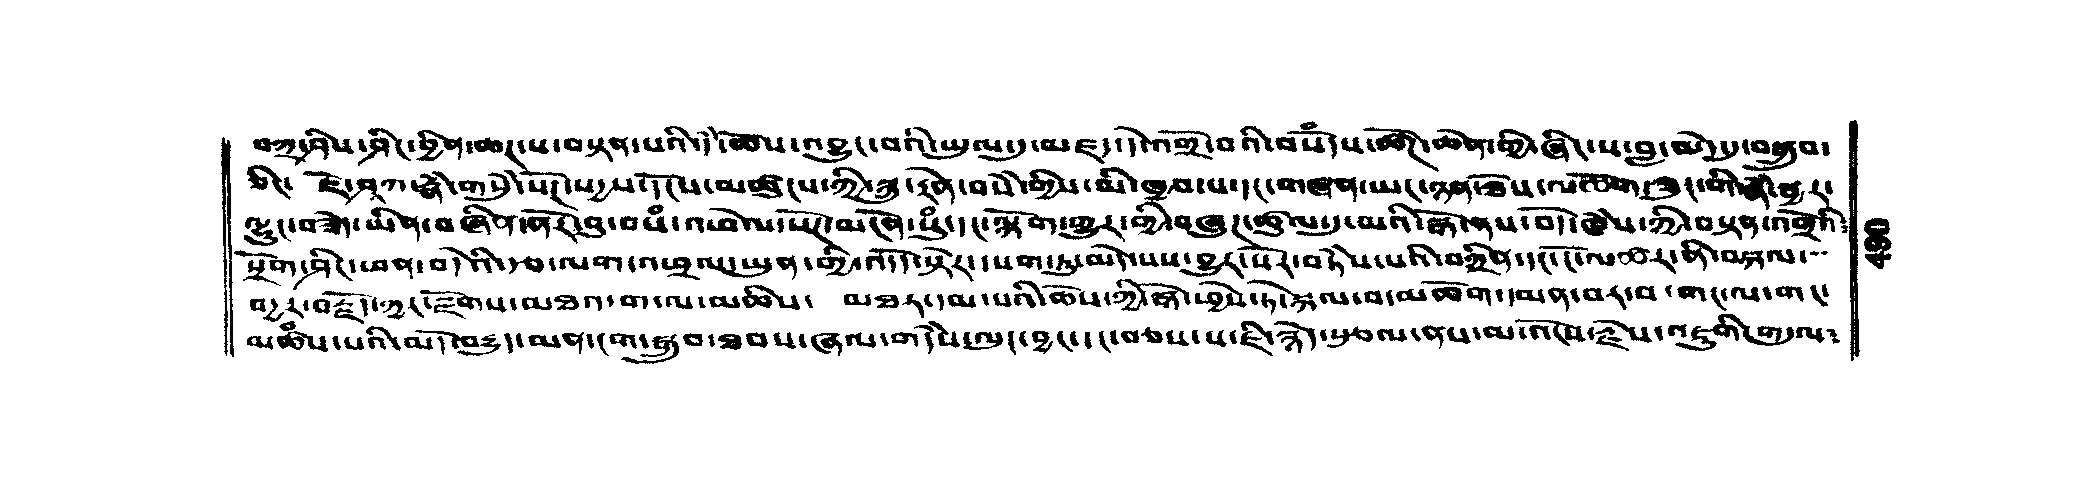བཀྲ་ཤིས་ཤིང་བྱིན་ཆགས་པ་བསྟན་པའི་དམ་ཆོས་འབྱུང་བའི་ཡུལ་དུ་མཛད་དེ་འགྲོ་བའི་བསོད་ནམས་ཚོགས་ཆེན་གྱི་ཞིང་ས་བླ་མེད་དུ་བསྒྲུབ་
ཅིང་། ཇོ་ཤཱཀ་རྣམ་གསུམ་སོགས་སངས་རྒྱས་དངོས་མཚུངས་ཀྱི་སྐུ་རྟེན་བསམ་གྱིས་མི་ཁྱབ་པ་དང་གཞན་ཡང་ཉན་ཐོས་མཆོག་ཟུང་གི་སྣམ་སྦྱར། 
ལྷུང་བཟེད། ཡིད་བཞིན་ནོར་བུ་བསམ་འཕེལ་སོགས་མངོན་སུམ་དང་ལྐོག་གྱུར་གྱི་བཞུགས་ཚུལ་དུ་མའི་སྒོ་ནས་བོད་ཁམས་ཀྱི་བསྟན་འགྲོའི་
སྲོག་ཤིང་ཕན་བདེའི་རྩ་ལག་འཕྲལ་ཡུན་གྱི་བདེ་སྟེར་དཔག་ཏུ་མེད་པས་བྱུར་པོར་བཏམས་པའི་བཀའ་དྲིན་དང་ངོ་མཚར་ནི་བསྐལ་
བརྒྱར་བརྗོད་ཀྱང་རྫོགས་མཐའ་ག་ལ་མཆིས། མཐར་དམ་པའི་ཆོས་ཀྱི་སྒོ་ཕྱེས་ཏེ་སྐལ་བ་མཆོག་དམན་བར་བ་གང་ལ་གང་
འཚམས་པའི་མདོ་རྒྱུད་མན་ངག་སྒྲུབ་ཐབས་ཞལ་གདམས་ལུང་བྱང་དང་བཅས་པ་ཇི་སྙེད་བསྩལ་ནས་མ་འོངས་རྗེས་འཇུག་གི་གདུལ་